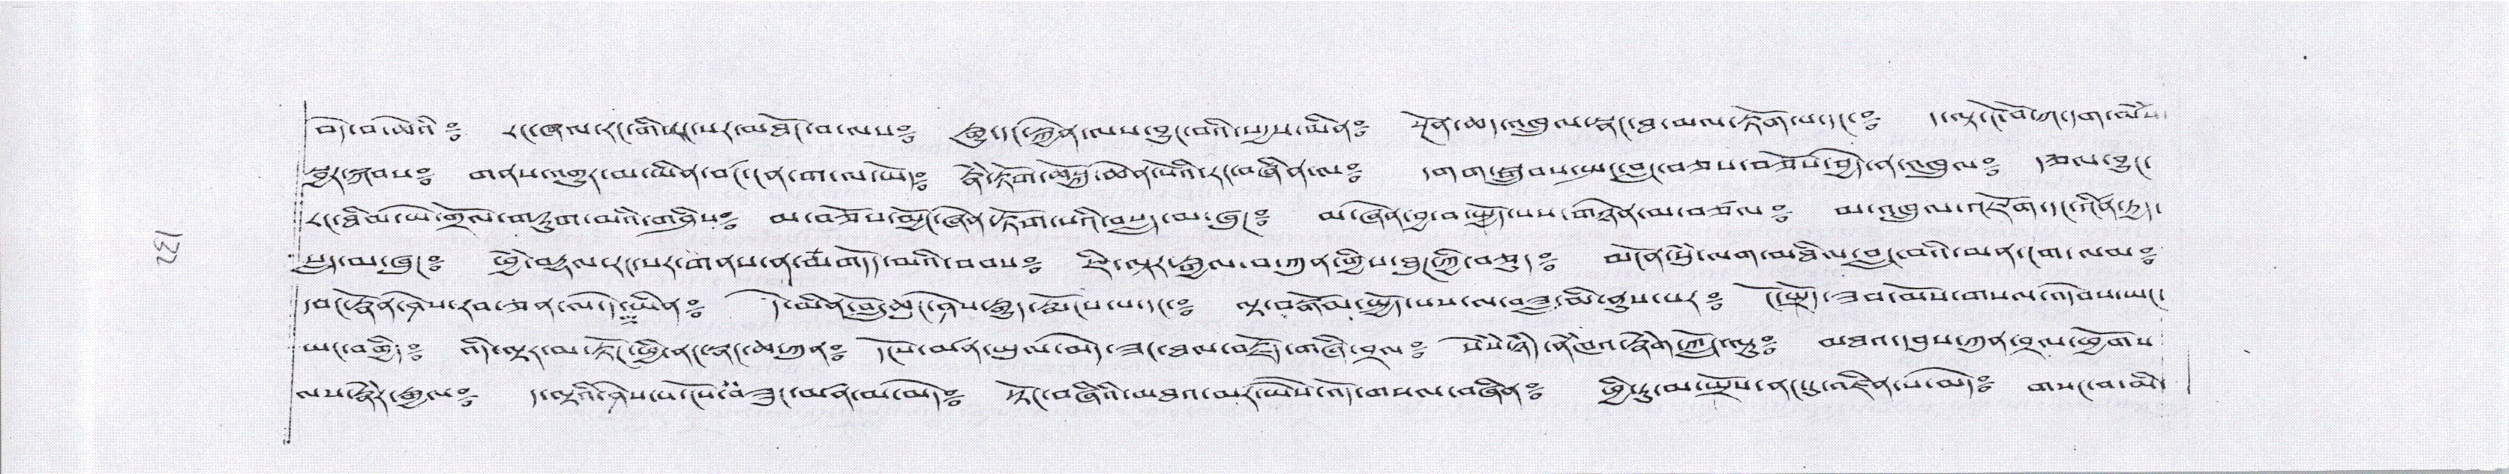བདེ་བ་ཆེའིཿ རང་ཞལ་རང་གི་རང་སར་མཐོང་བ་ལསཿ རྒྱུ་དང་རྐྱེན་ལས་བྱུང་བའི་སངས་རྒྱས་མིནཿ སྔོན་ཆད་འཁྲུལ་སྣང་ཐ་མལ་རྟོག་པ་དངཿ ད་ལྟ་ངོ་བོ་ཀ་དག་མཚམས་
སྦྱར་སྐབསཿ གནས་འགྱུར་མ་ཡིན་བཟང་ངན་ག་ལ་ཡོདཿ རྣམ་རྟོག་ཆོས་སྐུ་ཆེན་པོའི་རང་བཞིན་ལཿ དགག་སྒྲུབ་སྤང་བླང་བཅས་བཅོས་བྱེད་ན་འཁྲུལཿ རྩལ་བྱུང་
རང་ཐིམ་ཡེ་གྲོལ་གཉུག་མའི་གཤིསཿ མ་བཅོས་མྱོང་ཞེན་རྟོགས་པའི་བསླད་མ་ཞུགསཿ མ་ཞེན་བྱ་བ་གཅོད་པས་གཉེན་མ་བཙལཿ མ་འཁྲུལ་འཇོག་དང་འཛིན་གཏད་
སླད་མ་ཞུགསཿ ཕྱི་བརྡལ་རང་སར་གནས་ན་གདོད་མའི་བབསཿ ཇི་ལྟར་རྒྱལ་བ་ཀུན་གྱི་ཐུགས་ཀྱི་བཅུདཿ མངོན་སུམ་ལག་མཐིལ་བླང་བའི་མན་ངག་ལམཿ 
དབང་རྣོན་ཤེས་རབ་ཅན་ལ་དེ་ལྟ་ཡིནཿ དེ་མིན་བློ་ཆུང་ཤེས་རྒྱུད་རྨོངས་པ་དངཿ ལྟ་སྒོམ་སྤྱོད་པས་ལ་བཟླ་མི་ནུས་པརཿ ངོ་སྤྲོད་ཟབ་མོས་གསལ་འདེབས་ཡང་
ཡང་བགྱིདཿ འདི་ལྟར་མ་རྟོགས་ཕྱི་ནང་སྣང་ཆ་ཀུནཿ དངོས་མཚན་ཡུལ་མེད་ཟང་ཐལ་བརྗོད་གཞི་བྲལཿ སེམས་ཉིད་རྣམ་མཁའ་རྣམ་དག་ཀློང་ལྟ་བུཿ མཐའ་དབུས་ཀུན་བྲལ་ཕྱོགས་
ལས་རྣམ་པར་རྒྱལཿ ད་ལྟའི་ཤེས་པ་ངོས་བཟུང་མཚན་མ་མེདཿ སྟོང་བཞིའི་མཐའ་མར་ཡེ་ཤེས་འོད་གསལ་བཞིནཿ ཕྱི་རུ་མ་སྤྲོས་ནང་དུ་འཛིན་པ་མེདཿ གསང་བ་མི་